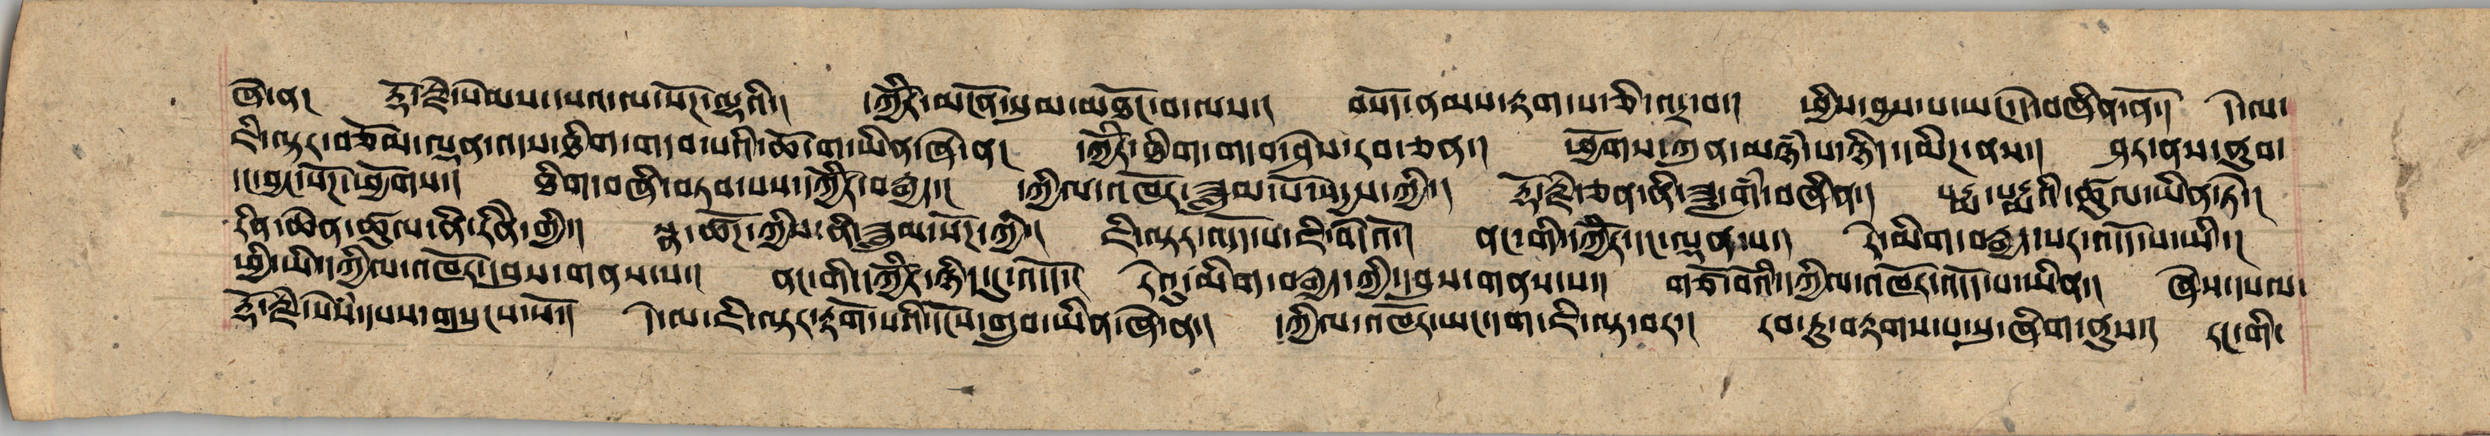ཞེ་ན། རྡོ་རྗེ་སེམས་དཔའ་ལ་སོཌ་ལྷའི་། དཀྱིོར་མངོན་སུམ་མཐོང་བ་ལས་། བསོད་ནམས་རྟག་པ་ཅི་འདྲ་བ་། ཕྱིས་བྱས་པ་ཡང་དེ་བཞིན་ནོ་། དེ་ལ་
ཇི་ལྟར་བཅོམ་ལྡན་འདས་ཐིག་གདབ་པའི་ཆོ་ག་ཡིན་ཞེ་ན། དཀྱིོར་ཐིག་གདབ་ཤེས་རབ་ཅན་། ཕྱོགས་ཀུན་མཉཾ་པ་ཉིད་དམིཌ་ནས་། ཤར་ནས་ནུབ་
དང་བྱང་སོཌ་ཕྱོགས་། ཐིག་བཞི་བཏབ་པས་དཀྱིོར་བརྒྱད་། དཀྱིལ་འཁོར་ཟླུམ་པོ་སདྱས་ཀྱི་། རྡོ་རྗེ་ཅན་ནི་ཟླ་གཾ་བཞིན་། པདྨ་པདྨའི་ཚུལ་ཡིན་ཏེ་།
རིན་ཆེན་ཚུལ་ནི་རིནེ་གྱི་། སྣ་ཚོཌ་ཀྱིས་ནི་ཟླུམ་སོཌ་ཀྱི་། ཇི་ལྟར་འདོད་པ་ཇི་བདེའོ་། ནང་གི་དཀྱིོར་དང་ལྡན་པ་། རེ་མིག་བརྒྱད་པར་འདོད་པ་ཡི་།
ཕྱི་ཡི་དཀྱིལ་འཁོར་དབུས་གནས་པ་། ནང་གི་དཀྱིོར་ཉིད་དུ་འདོད་། རེའུ་མིག་བརྒྱད་གྱི་དབུས་གནས་པ་། གཙོ་བོའི་དཀྱིལ་འཁོར་འདོད་པ་ཡིན་། ཞེས་དཔལ་
རྡོ་རྗེ་སེཾས་དཔས་གསུངས་སོ་། དེ་ལ་ཇི་ལྟར་རྟོག་པའི་དངོས་གྲུབ་ཡིན་ཞེ་ན་། དཀྱིལ་འཁོར་ཡང་དག་ཇི་ལྟ་བར་། རབ་ཏུ་བརྟགས་པ་སུ་ཞིག་ནུས་། རང་གི་